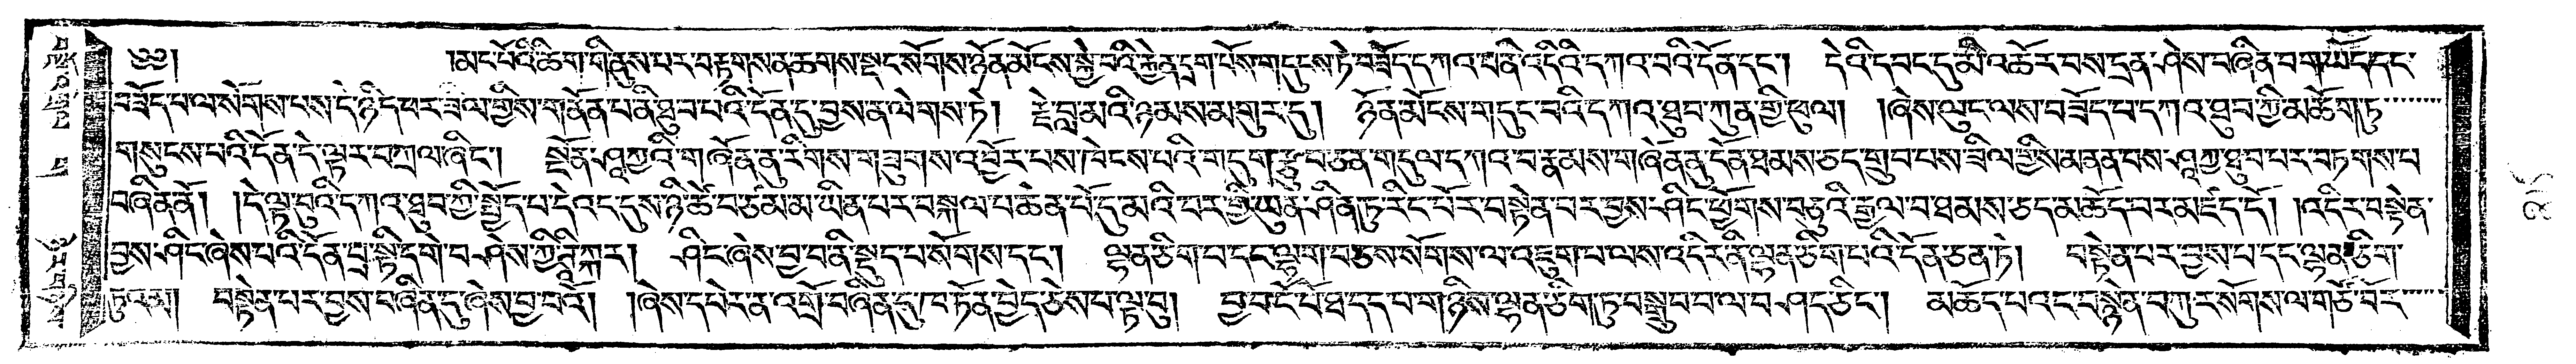༄༅། །མང་བོའི་ཚིག་གི་ནུས་པར་བསྟགས་ན་ཆགས་སྡང་སོགས་ཉོན་མོངས་སྐྱེ་བའི་རྐྱེན་དྲག་པོས་གདུངས་ཏེ་བཟོད་དཀའ་བ་ནི་འདིའི་དཀའ་བའི་དོན་དང་། དེའི་དབང་དུ་མི་འཆོར་བས་དྲང་ཤེས་བཞིན་བག་ཡོད་དང་
བཟོད་པ་ལ་སོགས་པས་དེ་ཉིད་ཕར་ཟིལ་གྱིས་གནོན་པ་ནི་ཐུབ་པའི་དོན་དུ་བྱས་ན་ལེགས་ཏེ། རྗེ་བླ་མའི་ཉམས་མགུར་དུ། ཉོན་མོངས་གདུང་བའི་དཀའ་ཐུབ་ཀུན་གྱི་ཕུལ། །ཞེས་ལུང་ལས་བཟོད་པ་དཀའ་ཐུབ་ཀྱི་མཆོག་ཏུ་
གསུངས་པའི་དོན་དེ་ལྟར་བཀྲལ་ཞིང་། སྔོན་ཤཱཀྱའི་གཞོན་ནུ་རིགས་གཟུགས་འབྱོར་པས་ཁེངས་པའི་གདུག་རྩུབ་ཅན་གདུལ་དཀའ་བ་རྣམས་གཞོན་ནུ་དོན་ཐམས་ཅད་གྲུབ་པས་ཟིལ་གྱིས་མནན་པས་ཤཱཀྱ་ཐུབ་པར་བཏགས་པ་
བཞིན་ནོ། །དེ་ལྟ་བུའི་དཀའ་ཐུབ་ཀྱི་སྤྱོད་པ་དེའང་དུས་ཉི་ཚེ་པ་ཙམ་མ་ཡིན་པར་བསྐལ་པ་ཆེན་པོ་དུ་མའི་བར་གྱི་ཡུན་ཤིན་ཏུ་རིང་པོར་བསྟེན་བར་བྱས་ཤིང་ཕྱོགས་བཅུའི་རྒྱལ་པ་ཐམས་ཅད་མཆོད་པར་མཛད་དོ། །འདིར་བསྟེན་
བྱས་ཤིང་ཞེས་པའི་དོན་བྲ་སྟི་དགེ་བཤེས་ཀྱི་ཊཱིཀྐར། ཤིང་ཞེས་བྱ་བ་ནི་སྡུད་པ་སོགས་དང་། ལྷན་ཅིག་བ་དང་ལྷག་བཅས་སོགས་ལ་འཇུག་པ་ལས་འདིར་ནི་ལྷན་ཅིག་པའི་དོན་ཅན་ཏེ། བསྟེན་པར་བྱས་པ་དང་ལྷན་ཅིག་
ཏུའམ། བསྟོན་པར་བྱས་བཞིན་དུ་ཞེས་བྱ་བའོ། །ཞེས་དཔེར་ན་འགྲོ་བཞིན་དུ་ཁ་ཏོན་བྱེད་ཅེས་པ་ལྟ་བུ། བྱ་བ་ངོ་བོ་ཐ་དད་པ་གཉིས་ལྷན་ཅིག་ཏུ་བསྒྲུབ་པ་ལ་བཤད་ཅིང་། མཆོག་པའང་བསྙེན་བཀུར་སོགས་ལ་གཙོ་བོར་